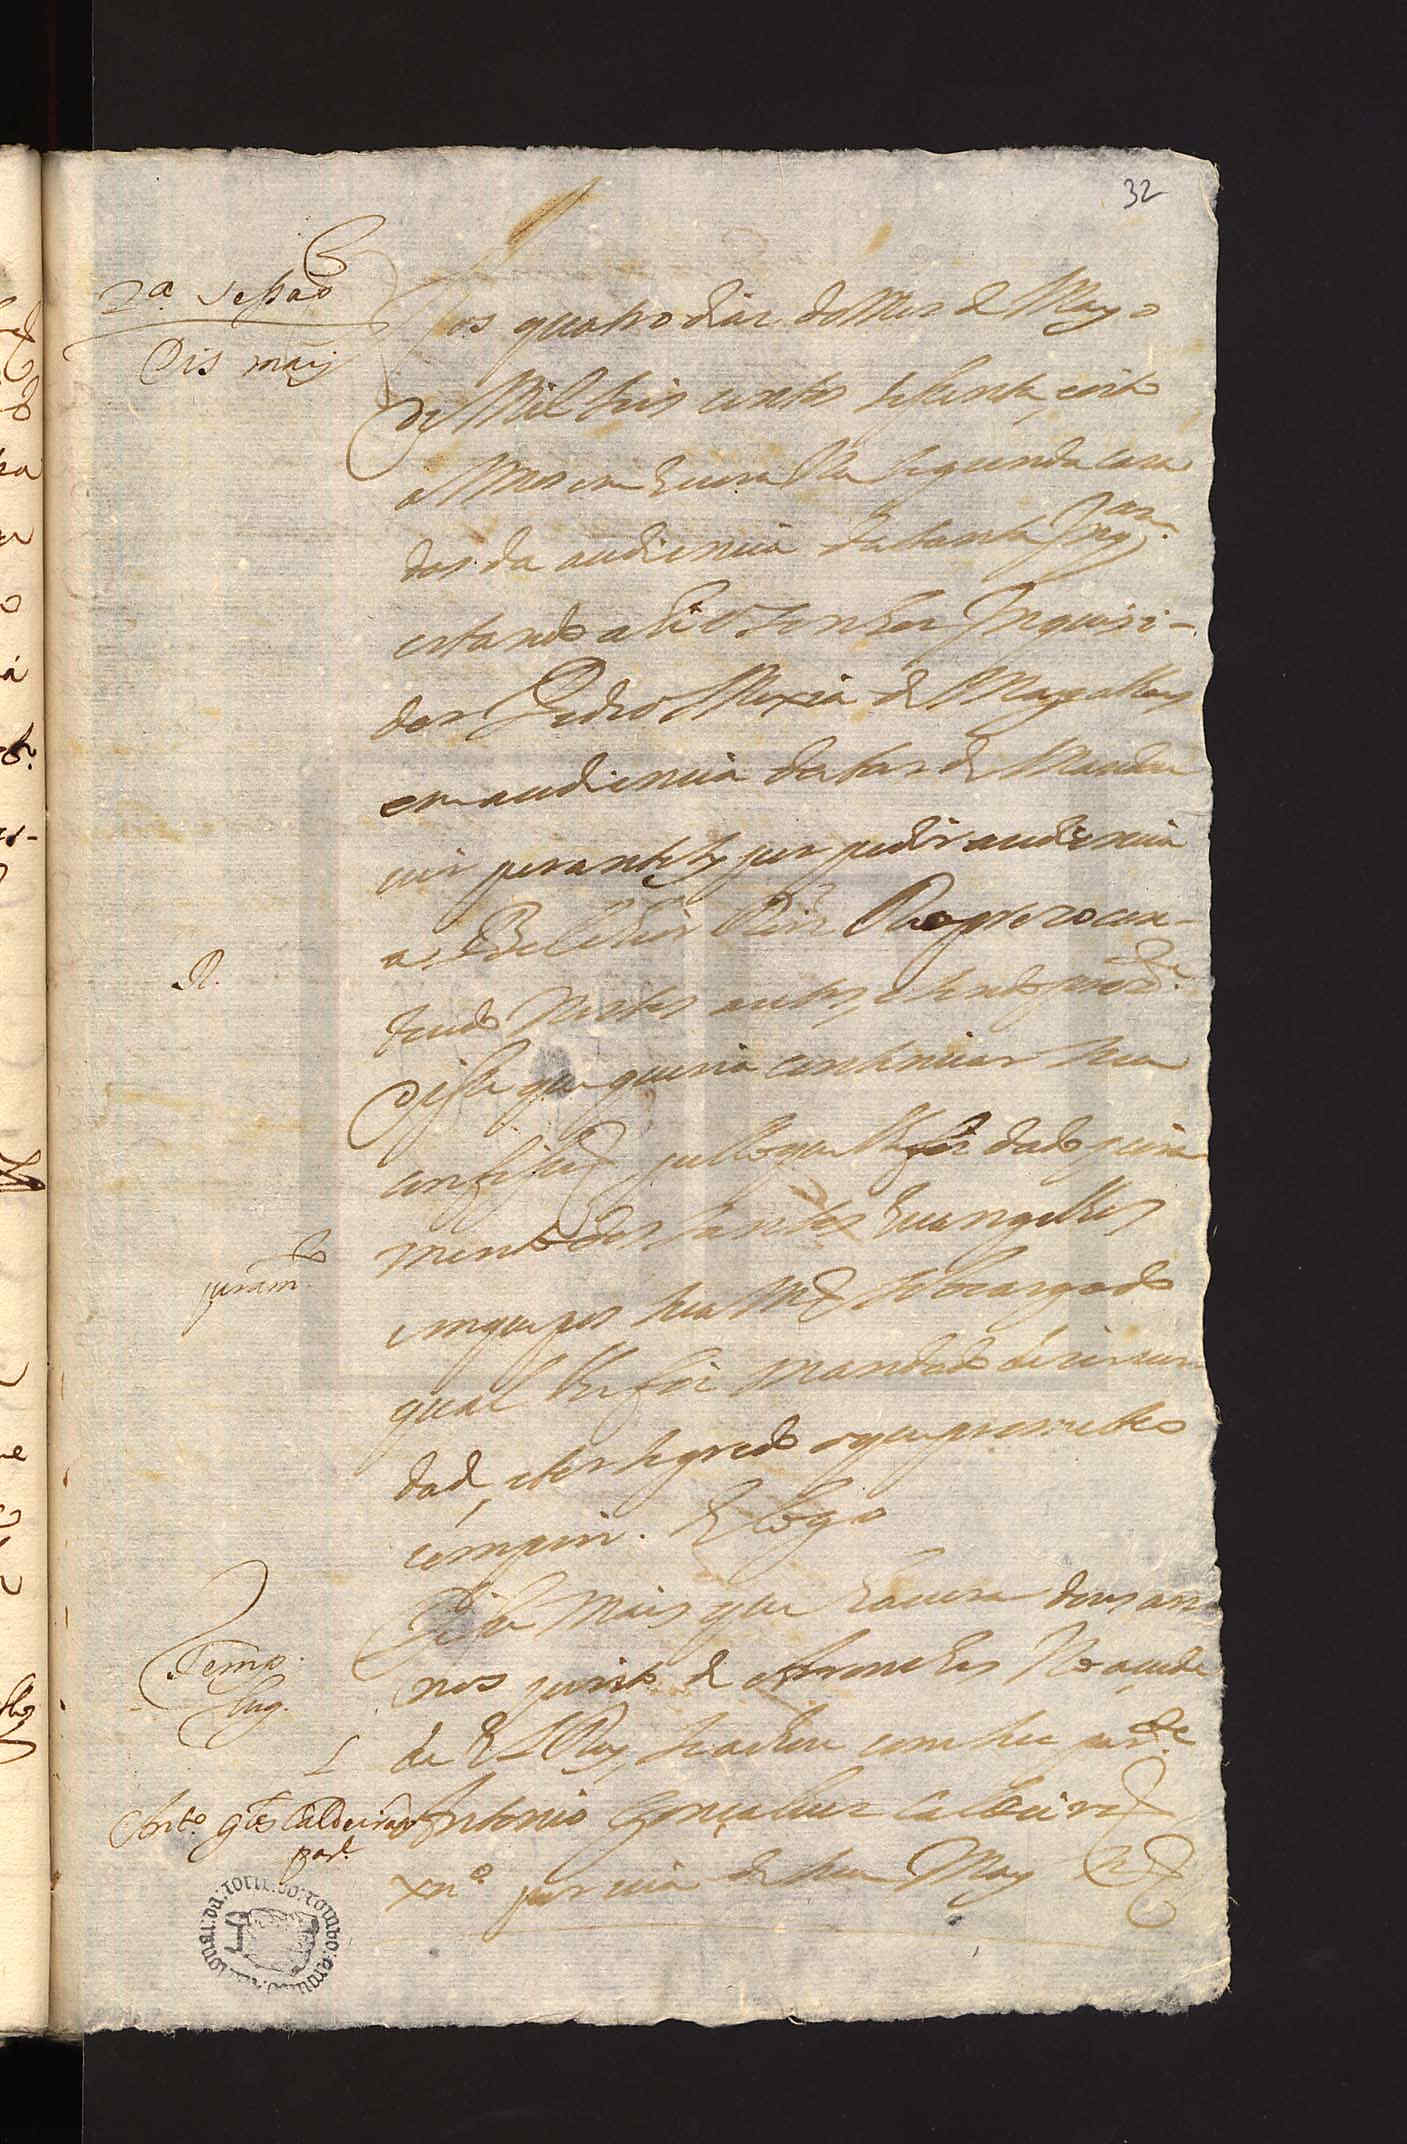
os quatro diaz do mez de Mayo
de Mil seiscentos sessenta, e oito
annos em Euora Na segunda caza
das da audiencia de santa Inqam.
estando ahi o senhor Inquizi
dor Pedro Mexia de Magalhais
em audiencia da tarde mandou
uir perante sy per pedir audiencia
a Belchior Roīz Reo prezo con
teudo Nestes autos, e sendo prezte.
disse que queria continuar sua
confissão, pello que lhe foi dado jura
mento dos Santos Euangelhos
em que pos sua mão sob cargo do
qual lhe foi mandado dizer ver
dade, e ter segredo o que prometeo
comprir. E logo
Disse mais que havera dous an
nos junto de Arronches No açude
de El Rey, se achou com hu par.te
Antonio Gonçaluez caldeiraõ
xno. por via se sua May naõ
